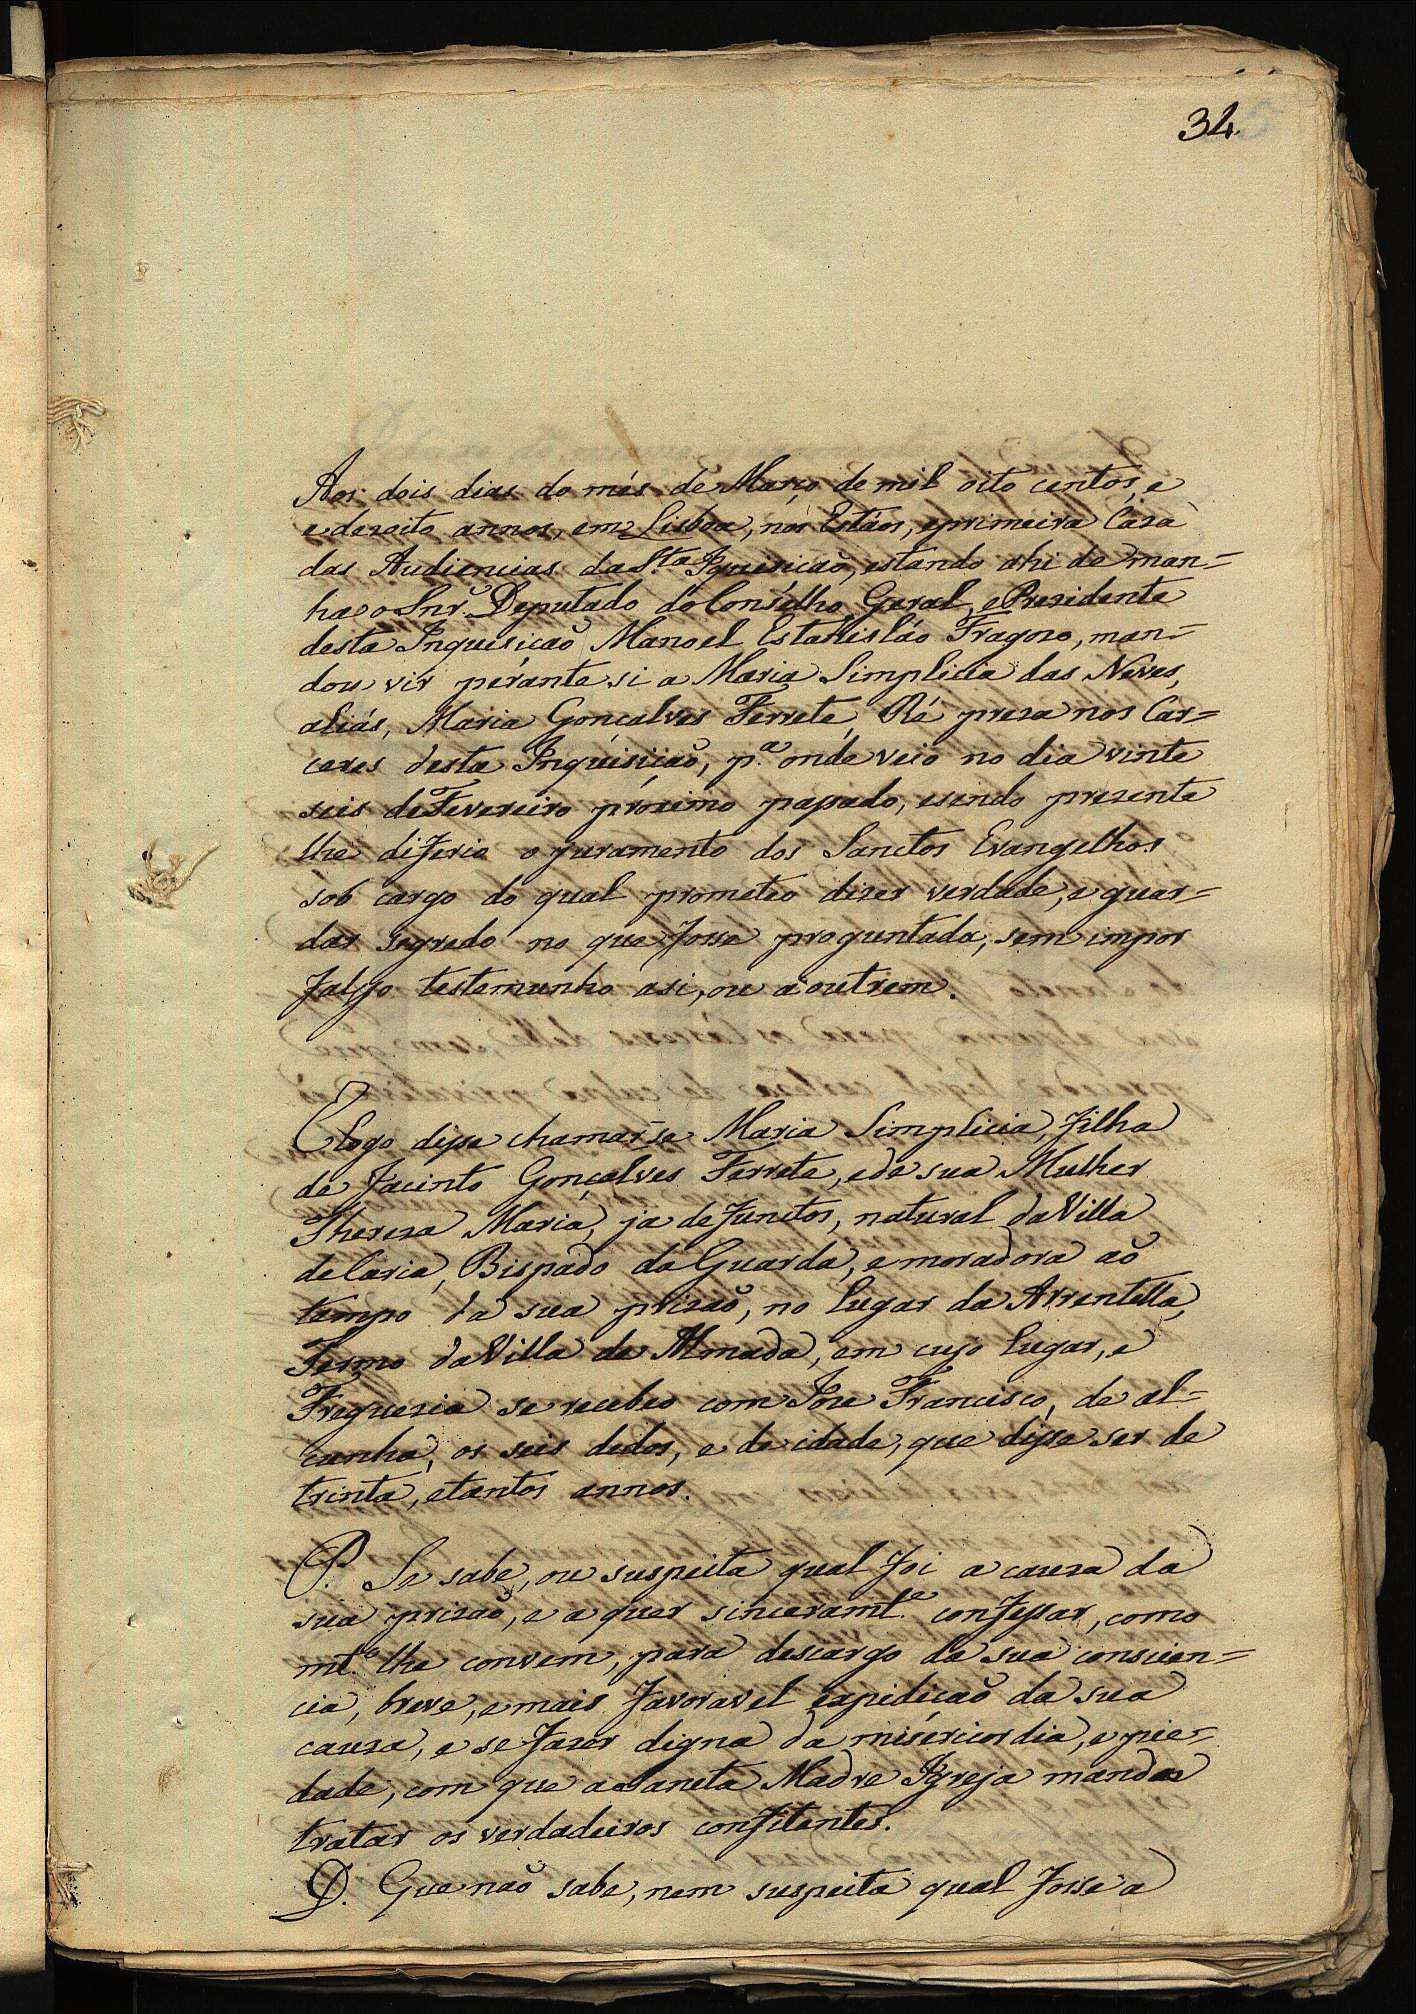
Aos dois dias do més de Março de mil oito centos, e
e dezoito annos, em Lisboa, nos Estáos, e primeira Caza
das Audiencias da S.ta Iquisiçaõ, estando ahi de man
ha o Snr̄ Deputado do Conselho Geral, e Prezidentes
desta Inquisiçaõ Manoel Estanisláo Fragozo, man
dou vir perante si a Maria Simplicia das Neves,
aliás, Maria Gonçalves Ferrete, Ré preza nos Car
ceres desta Inquisiçaõ, p.a onde veio no dia vinte
seis de Fevereiro proximo passado, e sendo prezente
lhe diferio o juramento dos Sactos Evangelhos
sob cargo do qual prometeo dizer verdade, e guar
dar segredo no que fosse proguntada, sem impor
falso testemunho a si, ou a outrem.
E logo disse chamar-se Maria Simplicia, filha
de Jacinto Gonçalves Ferrete, e de sua Mulher
Thereza Maria, ja defunctos, natural da Villa
de Caria, Bispado da Guarda, e moradora aõ
tempo da sua prizaõ, no Lugar da Arrentella,
Termo da Villa de Almada, em cujo Lugar, e
Freguezia se recebeu com Ioze Francisco, de al
cunha, os seis dedos, e de idade, que disse ser de
trinta, e tantos annos.
P. Se sabe, ou suspeita qual foi a cauza da
sua prizaõ, e a quer sinceramt.e confessar, como
mt.o lhe convem, para descargo da sua conscien
cia, breve, e mais favoravel expidiçaõ da sua
cauza, e se fazer digna da misericordia, e pie
dade, com que a Sancta Madre Igreja manda
tratar os verdadeiros confitantes.
D. Que naõ sabe, nem suspeita qual fosse a
